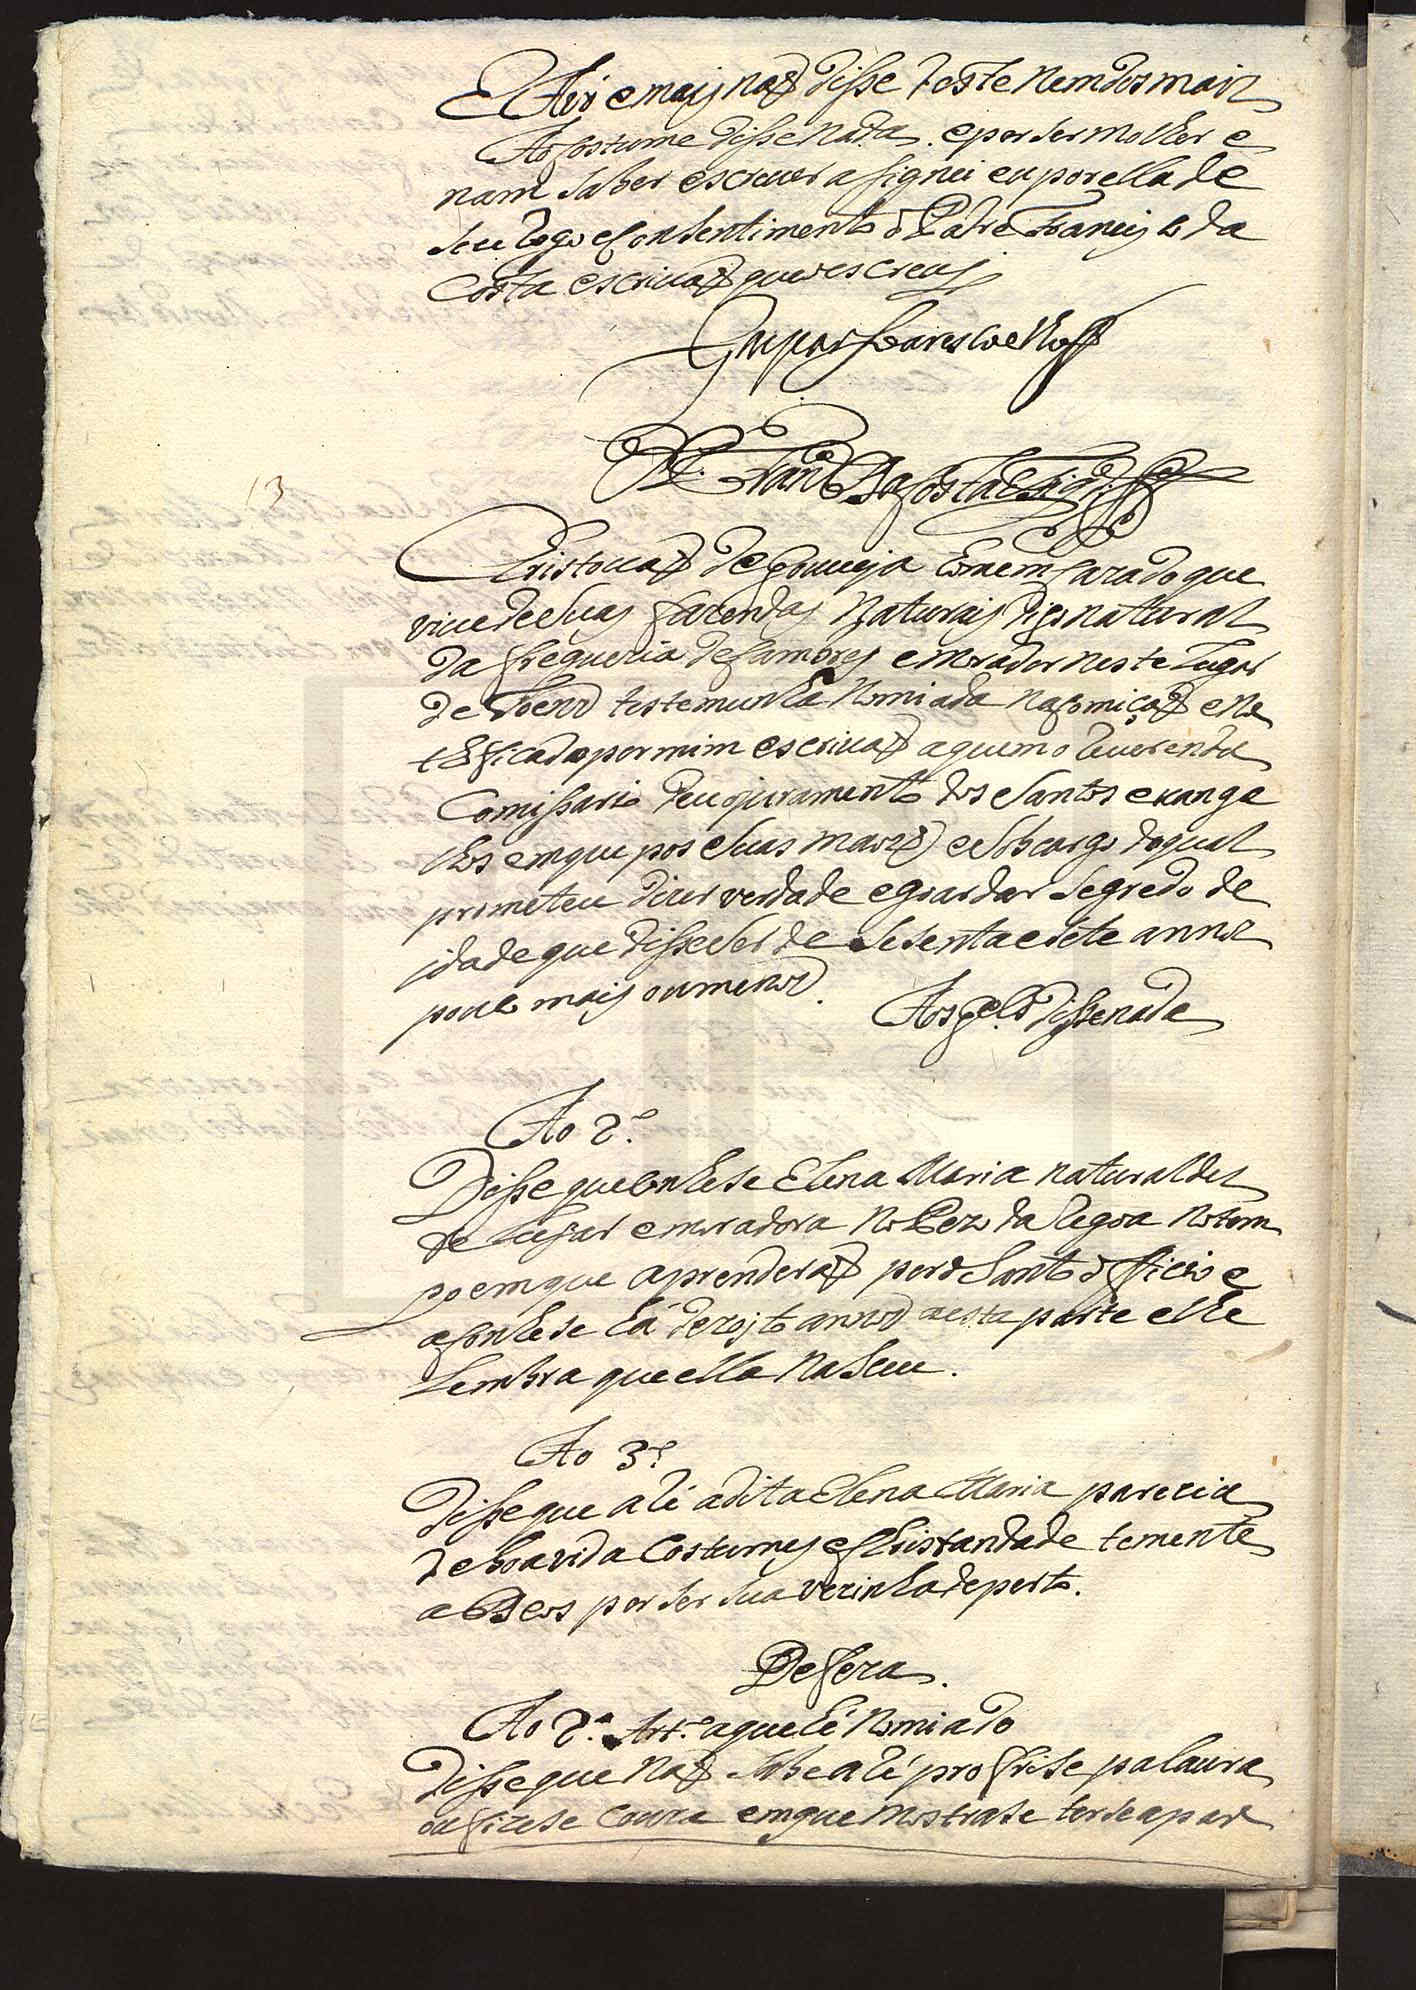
E Avó e mais naõ disse deste nem dos maiz
Ao Costume disse nada. e por ser molher e
nam saber escreuer asignei eu por ella de
seu Rogo e Consentimento o Padre Francisco da
Costa escriuaõ que o escreuj
Gapar soares coelho
O P.e Franco Da Costa Figr.o
Christouaõ de Gouueja homem Cazado que
uiue de Suas fazendas naturais digo naturaL
da freguezia de Cambres e morador neste Lugar
de Toenz testemunha Nomiada na Comiçaõ e no
thificado por mim escriuaõ a quem o Reuerendo
Comissario deu o juramento dos Santos euange
lhos em que pos Suas maoz e Sobcargo do qual
prometeu dizer verdade e goardar segredo de
idade que disse ser de sesenta e sete annoz
pouco mais ou menoz.
Aos g.es disse nada
Ao 2.o
Disse que conhese Elena Maria natural dez
te Lugar e moradora no Pezo da Regoa no tem
po em que a prenderaõ por o Santo officio e
a Conhese há dezojto annos a esta parte e lhe
Lembra que ella nasceu.
Ao 3.o
Disse que a Ré a dita Elena Maria parecia
de boa vida costumes e Christandade temente
a Deos por ser sua vezinha de perto.
Defeza.
Ao 2.o Art.o a que hé nomiado
disse que naõ sabe a Ré profrise palaura
ou fizese couza em que mostrase ter se apar
